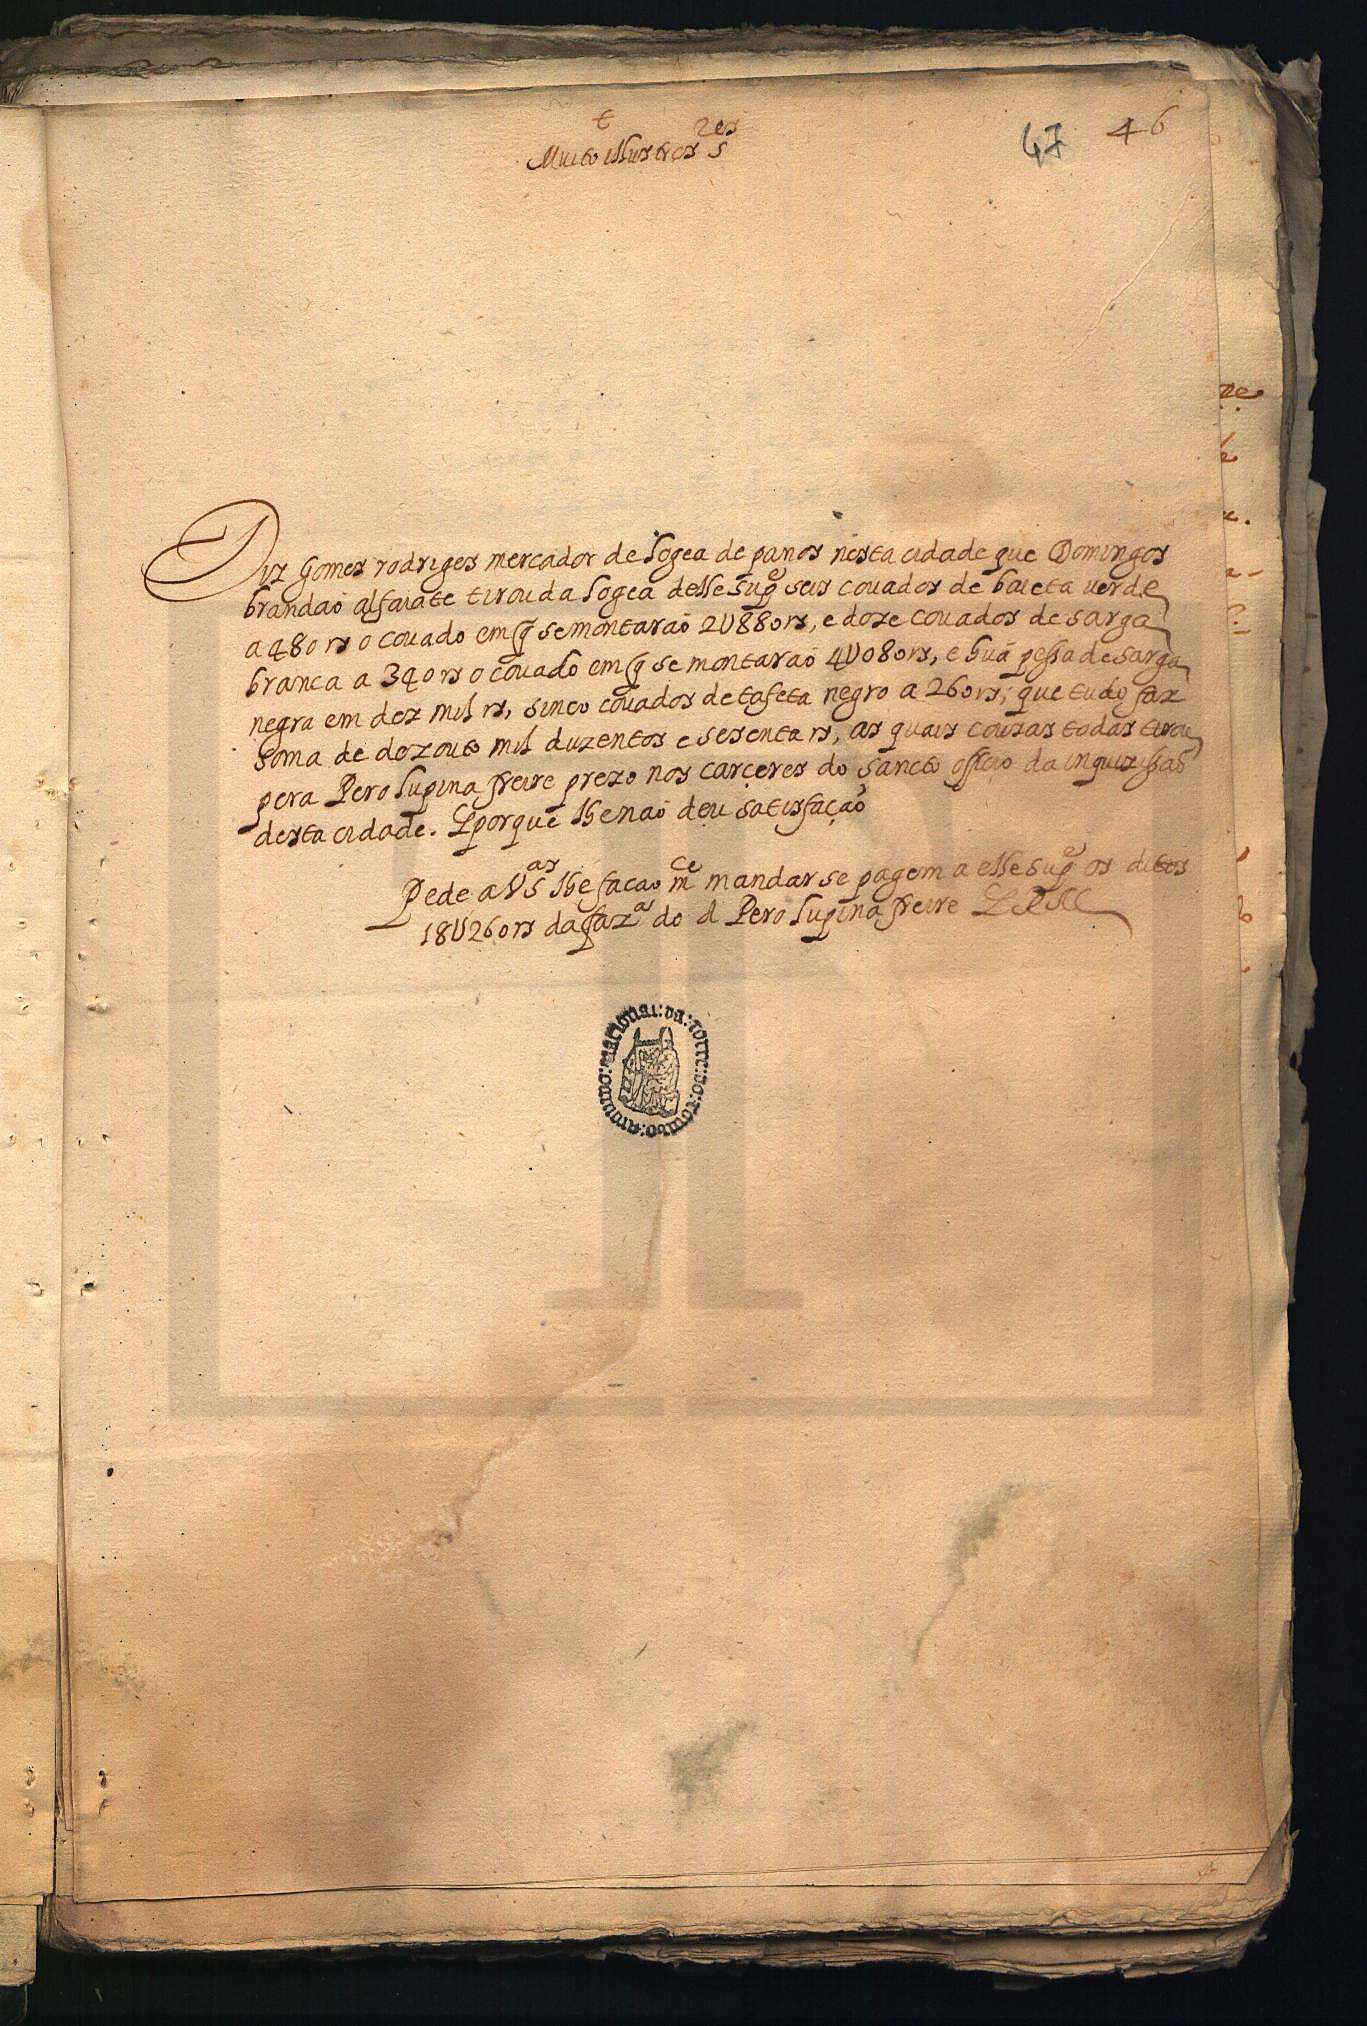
46
Muito illustres Sres
Diz gomes rodriges mercador de logea de panos nesta cidade que Domingos
brandaõ alfaiate tirou da logea delle supe seis couados de baieta uerde
a 480 rs o couado em q̄ se montaraõ 2$080 rs, e doze couados de sarga
branca a 340 rs o couado em q̄ se montaraõ 4$080 rs, e huā pessa de sarga
negra em dez mil rs, sinco couados de tafeta negro a 260 rs; que tudo por
soma de dezouto mil duzentos e sesenta rs, as quais couzas todas tirou
pera Pero lupina freire prezo nos carceres do sancto officio da inquizissaõ
desta cidade. E porque lhe naõ deu satisfaçaõ
Pede a V Sas lhe façaõ mce mandar se pagem a elle supe os ditos
18$260 rs da faza do A Pero lupina freire E R M
